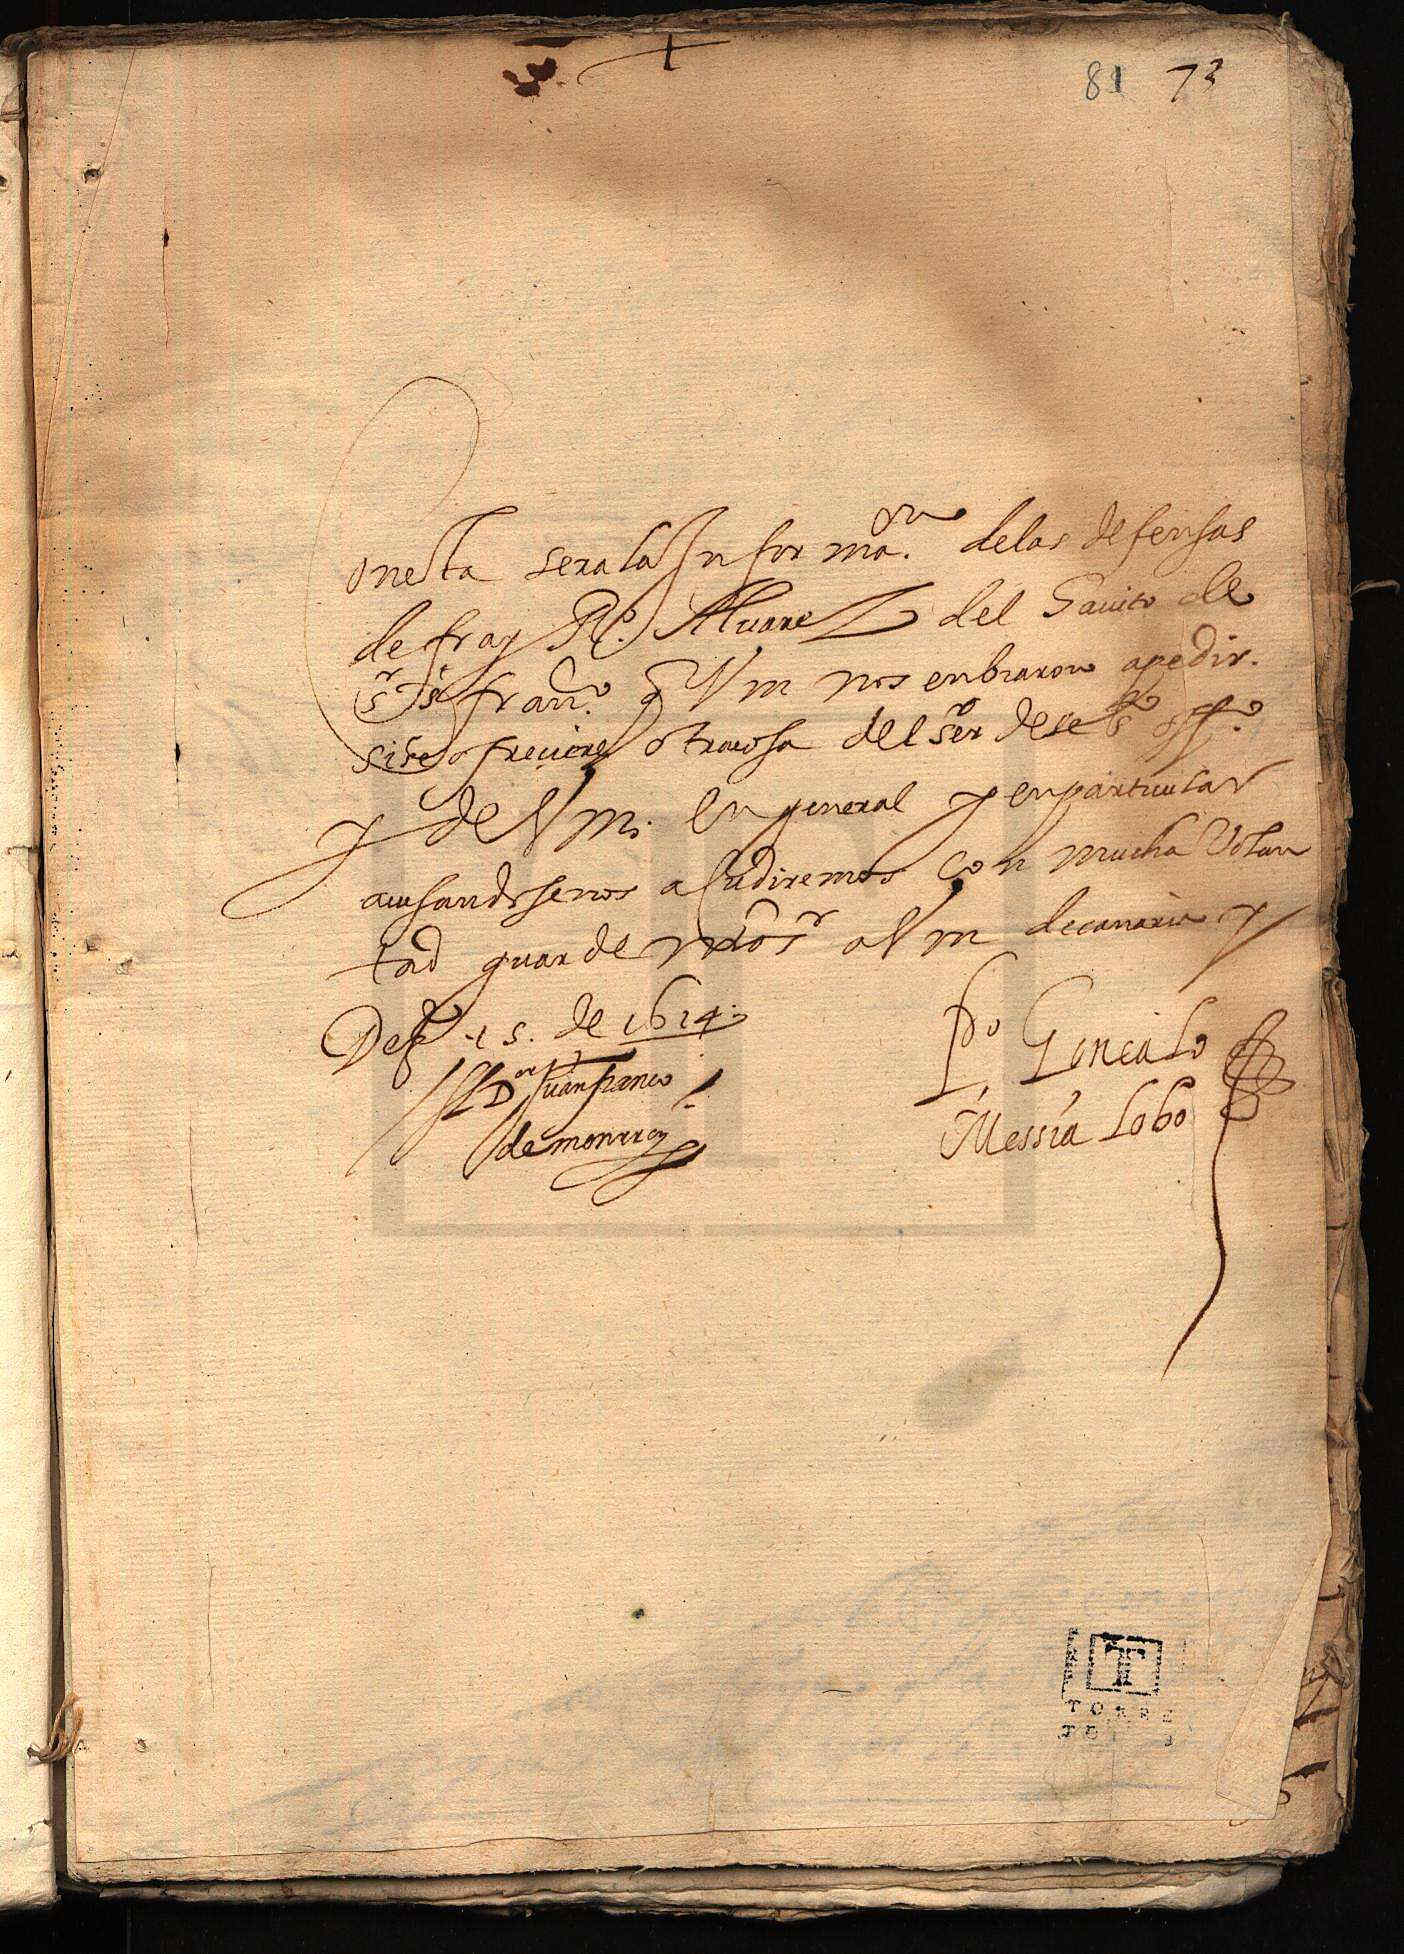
73
Con esta sera la Jnforma.on de las defensas
de fray R.o AluareZ del hauito de
sr st fran.Co q̄ Vm nos enbiaron a pedir.
si se ofreciere otra cosa del sero dese sto off.o
y de VM. en general y en particular
acusandosenos aCudiremos con mucha Volon
tad guarde nrō sr a Vm de canaria y
Dez.o 15. de 1614.
Dor Juan Franco
de monrrey
Po Gonçalo
Messia Lobo
